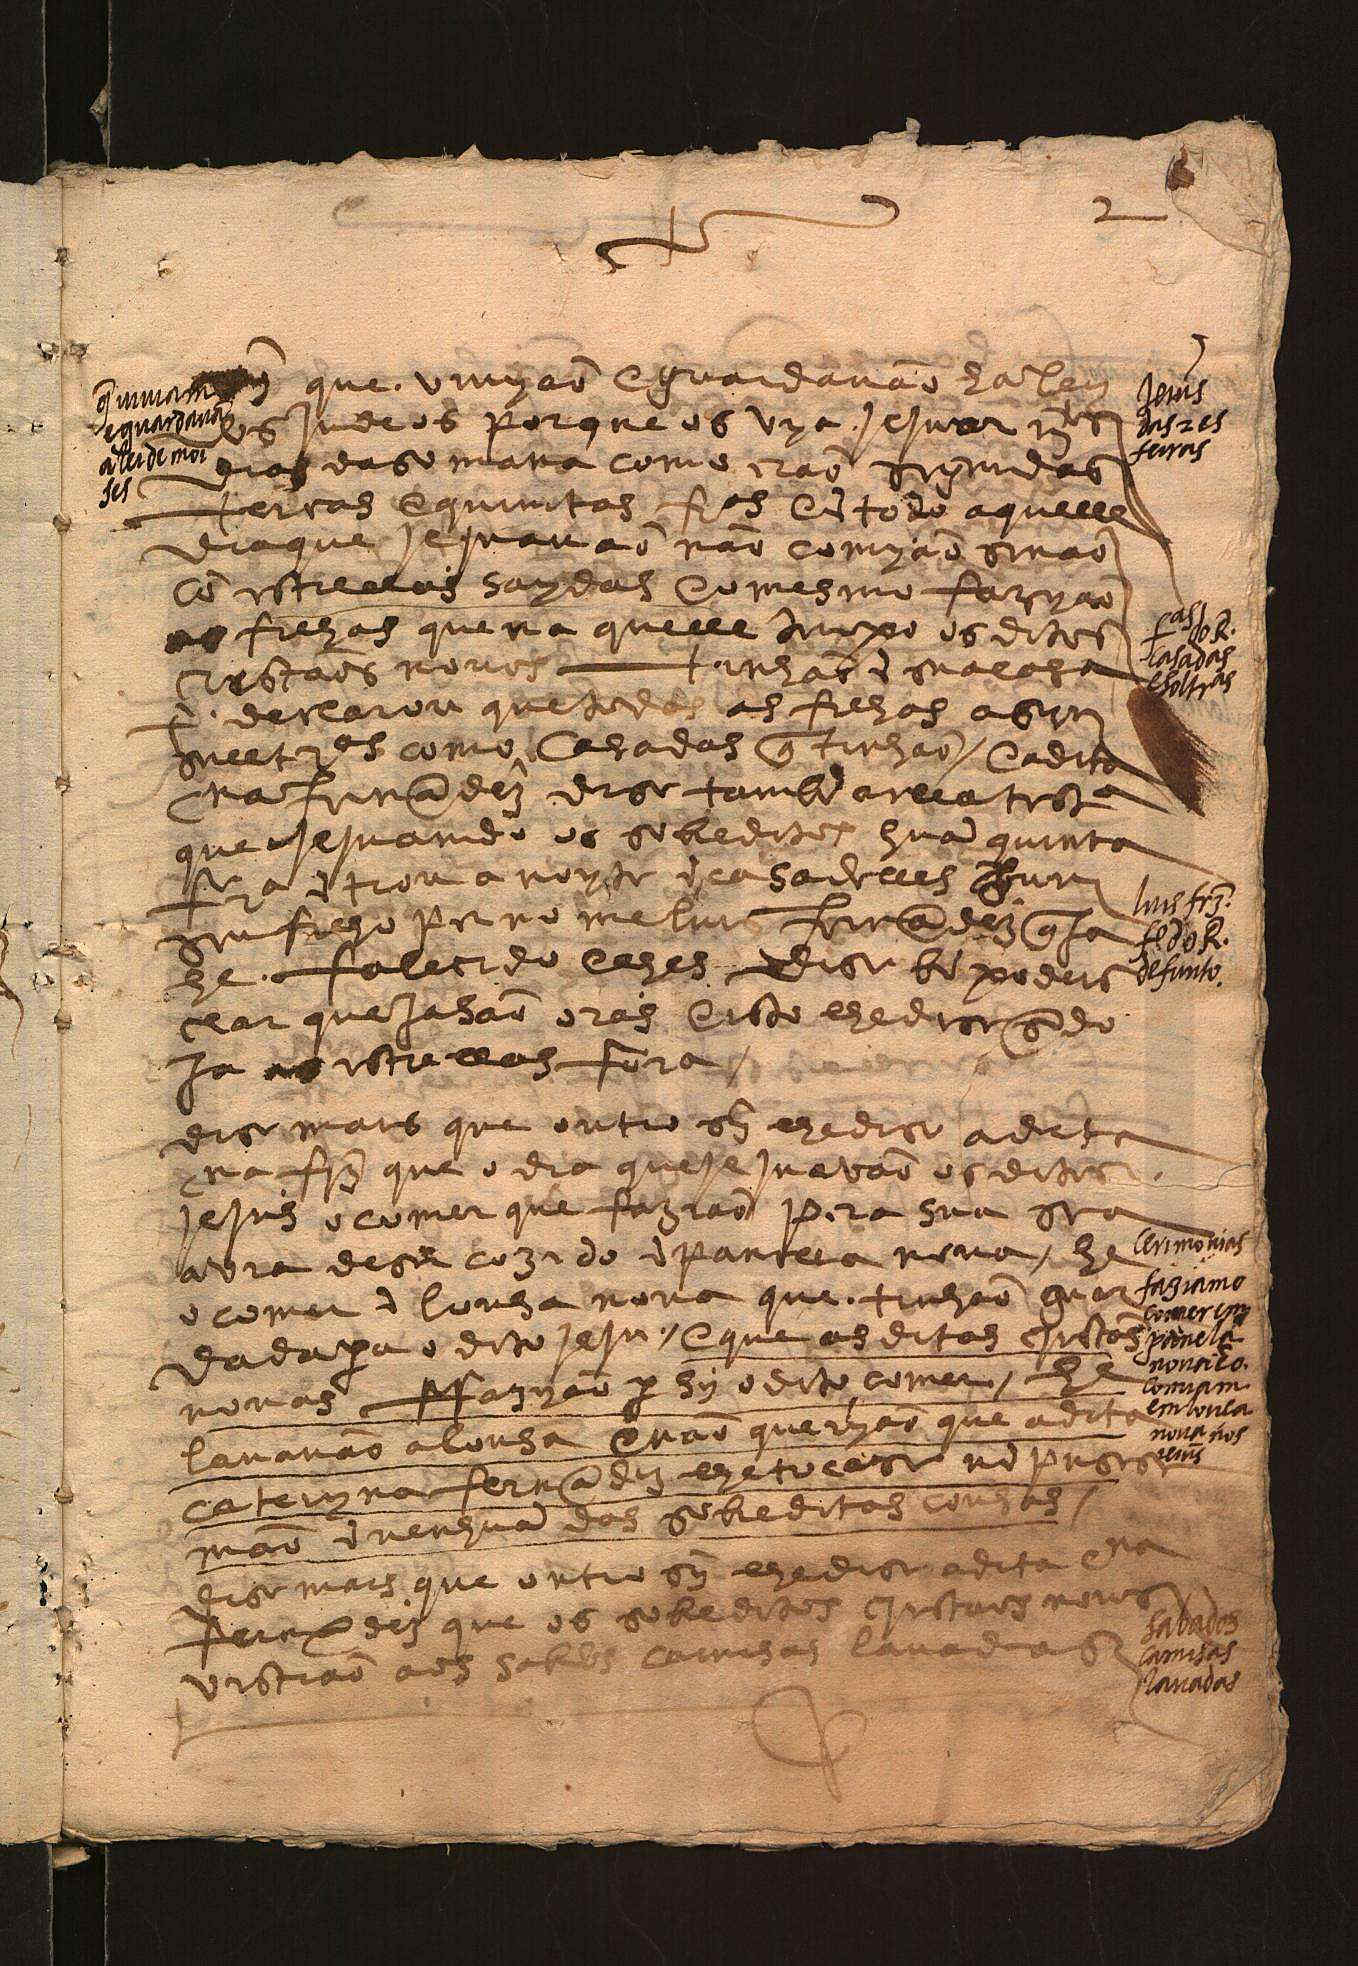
sy que. viuyaõ e guardauão ha ley
q̄ uiuam
e guardauā
a lei de moi
ses
dos Judeos porque os vya JeJuar mtos
Jeiūs
das 2 e 5
feiras
dias da somana como eraõ segundas
feiras e quimtas fras e ē todo aquelle
dia que JeJuauaõ naõ comyaõ senaõ
cō estrellas saydas e o mesmo fazyaõ
as filhas que naquelle tempo os ditos
fas do R.
casadas
e soltras
cristãos nouos tinhaõ ē sua casa
E declarou que todas as filhas asyn
solltras como Casadas q̄ tinhaõ / e a dita
Cna fernādez dise tambē a ella testa
que Jejuando os sobreditos huā quinta
fra ētrou a noyte ē casa delles hum
luis frz̄.
fo do R.
defunto.
seu filho por nome luis fernādez q̄ Ja
he falecido e lhes dise bē podeis
cear que Ja saõ oras e isto lhe dise sēdo
Ja as estrellas fora /
dise mais que outrosy lhe dise a dita
cna frz̄ que o dia que JeJuavaõ os ditos
JeJus o comer que faziaõ pera sua sea
avia de ser cozido ē panella noua / he
Cerimonias
faziam o
comer em
panela
noua E o
comiam
em louça
noua nos
ieiūs
o comer ē lousa noua que. tinhaõ guar
dada ꝑa o dito Jeju ./ e que as ditas cristas̄
nouas ffazyão ꝑ sy o dito comer / he
lauauão a lousa e naõ queryaõ que a dita
cateryna fernādez lhe tocase nē pusese
mão ē nenhuā das sobreditas cousas /
dise mais que outrosy lhe dise a dita cna
fernādez que os sobreditos cristaos nouos
vistiaõ aos sabdos camisas lauadas
sabados
camisas
lauadas
